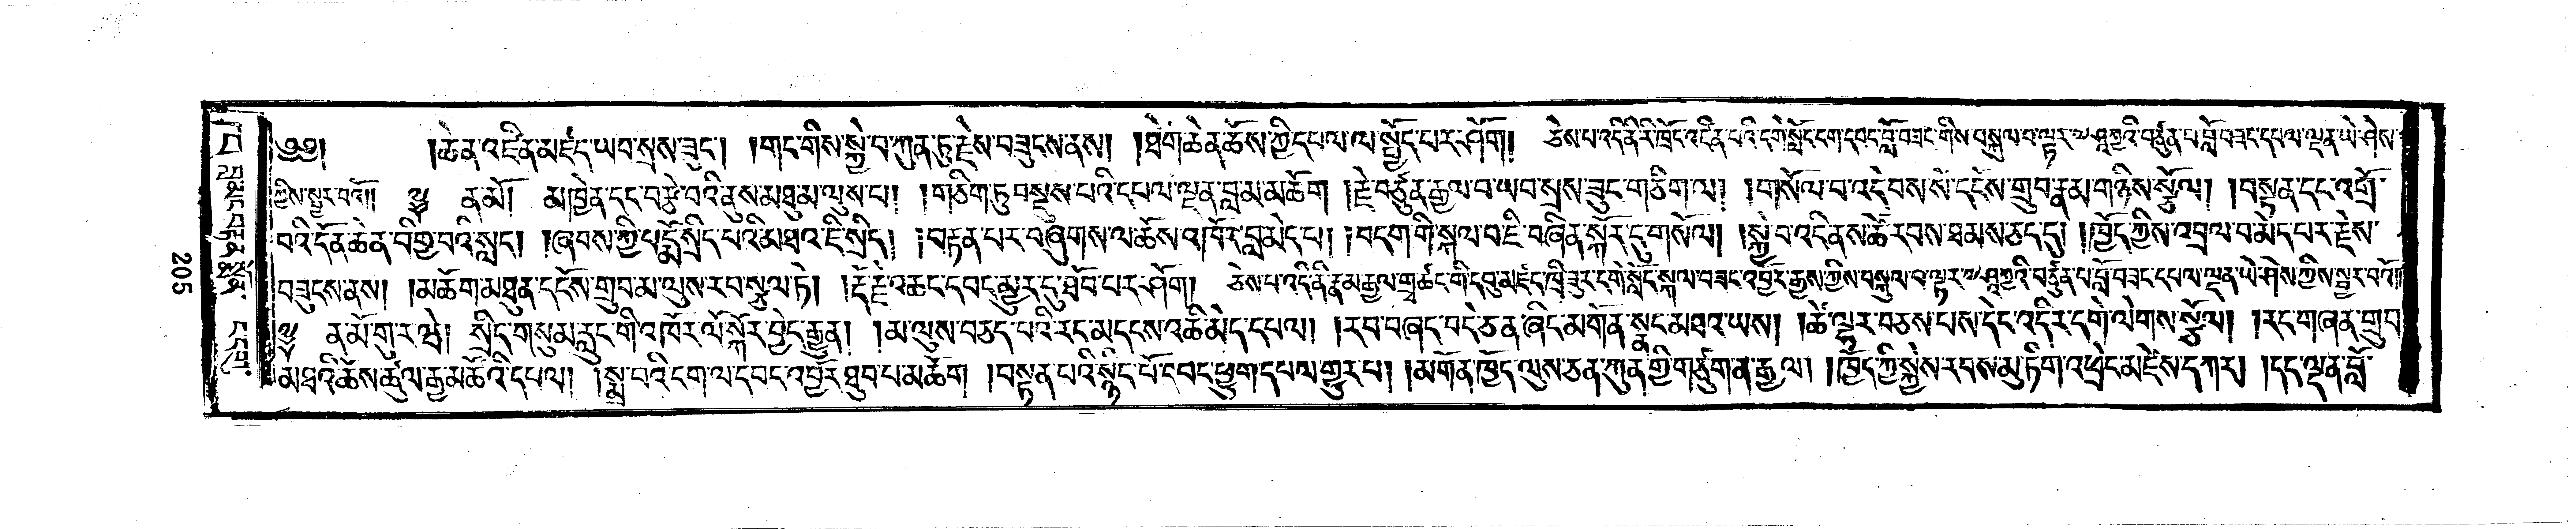༄༅། །ཆེན་འཛིན་མཛད་ཡབ་སྲས་ཟུང་། །གང་གིས་སྐྱེ་བ་ཀུན་ཏུ་རྗེས་བཟུངས་ནས། །ཐེག་ཆེན་ཆོས་ཀྱི་དཔལ་ལ་སྤྱོད་པར་ཤོག། ཅེས་པ་འདི་ནི་རི་ཁྲོད་འཛིན་པའི་དགེ་སློང་ངག་དབང་བློ་བཟང་གིས་བསྐུལ་བ་ལྟར་༧་ཤཱཀྱའི་བཙུན་པ་བློ་བཟང་དཔལ་ལྡན་ཡེ་ཤེས་
ཀྱིས་སྦྱར་བའོ།། ༈ ན་མོ། མཁྱེན་དང་བརྩེ་བའི་ནུས་མཐུ་མ་ལུས་པ། །གཅིག་ཏུ་བསྡུས་པའི་དཔལ་ལྡན་བླ་མ་མཆོག །རྗེ་བཙུན་རྒྱལ་བ་ཡབ་སྲས་ཟུང་གཅིག་ལ། །གསོལ་བ་འདེབས་སོ་དངོས་གྲུབ་རྣམ་གཉིས་སྩོལ། །བསྟན་དང་འགྲོ་
བའི་དོན་ཆེན་བགྱི་བའི་སླད། །ཞབས་ཀྱི་པདམོ་སྲིད་པའི་མཐའ་ཇི་སྲིད། །བརྟན་པར་བཞུགས་ལ་ཆོས་འཁོར་བླ་མེད་པ། །བདག་གི་སྐལ་བ་ཇི་བཞིན་སྐོར་དུ་གསོལ། །སྐྱེ་བ་འདི་ནས་ཚེ་རབས་ཐམས་ཅད་དུ། །ཁྱོད་ཀྱིས་འབྲལ་བ་མེད་པར་རྗེས་
བཟུངས་ནས། །མཆོག་མཐུན་དངོས་གྲུབ་མ་ལུས་རབ་སྩལ་ཏེ། །རྡོ་རྗེ་འཆང་དབང་མྱུར་དུ་ཐོབ་པར་ཤོག། ཅེས་པ་འདི་ནི་རྣམ་རྒྱལ་གྲྭ་ཚང་གི་དབུ་མཛད་ཁྲི་ཟུར་དགེ་སློང་སྐལ་བཟང་འབྱོར་རྒྱས་ཀྱིས་བསྐུལ་བ་ལྟར་༧་ཤཱཀྱའི་བཙུན་པ་བློ་བཟང་དཔལ་ལྡན་ཡེ་ཤེས་ཀྱིས་སྦྱར་བའོ།།
༈ ན་མོ་གུ་ར་ཝེ། སྲིད་གསུམ་རླུང་གི་འཁོར་ལོ་སྐོར་བྱེད་རྒྱུན། །མ་ལུས་བཅད་པའི་རང་མདངས་འཆི་མེད་དཔལ། །རབ་བཞད་བདེ་ཅན་ཞིང་མགོན་སྣང་མཐའ་ཡས། །ཚེ་ལྷར་བཅས་པས་དེང་འདིར་དགེ་ལེགས་སྩོལ། །རང་གཞན་གྲུབ་
མཐའི་ཆོས་ཚུལ་རྒྱ་མཚོའི་དཔལ། །སྨྲ་བའི་ངག་ལ་དབང་འབྱོར་ཐུབ་པ་མཆོག །བསྟན་པའི་སྙིང་པོ་དབང་ཕྱུག་དཔལ་གྱུར་པ། །མགོན་ཁྱོད་ལུས་ཅན་ཀུན་གྱི་གཙུག་ན་རྒྱལ། །ཁྱོད་ཀྱི་སྐྱེས་རབས་མུ་ཏིག་འཕྲེང་མཛེས་དཀར། །དད་ལྡན་བློ་